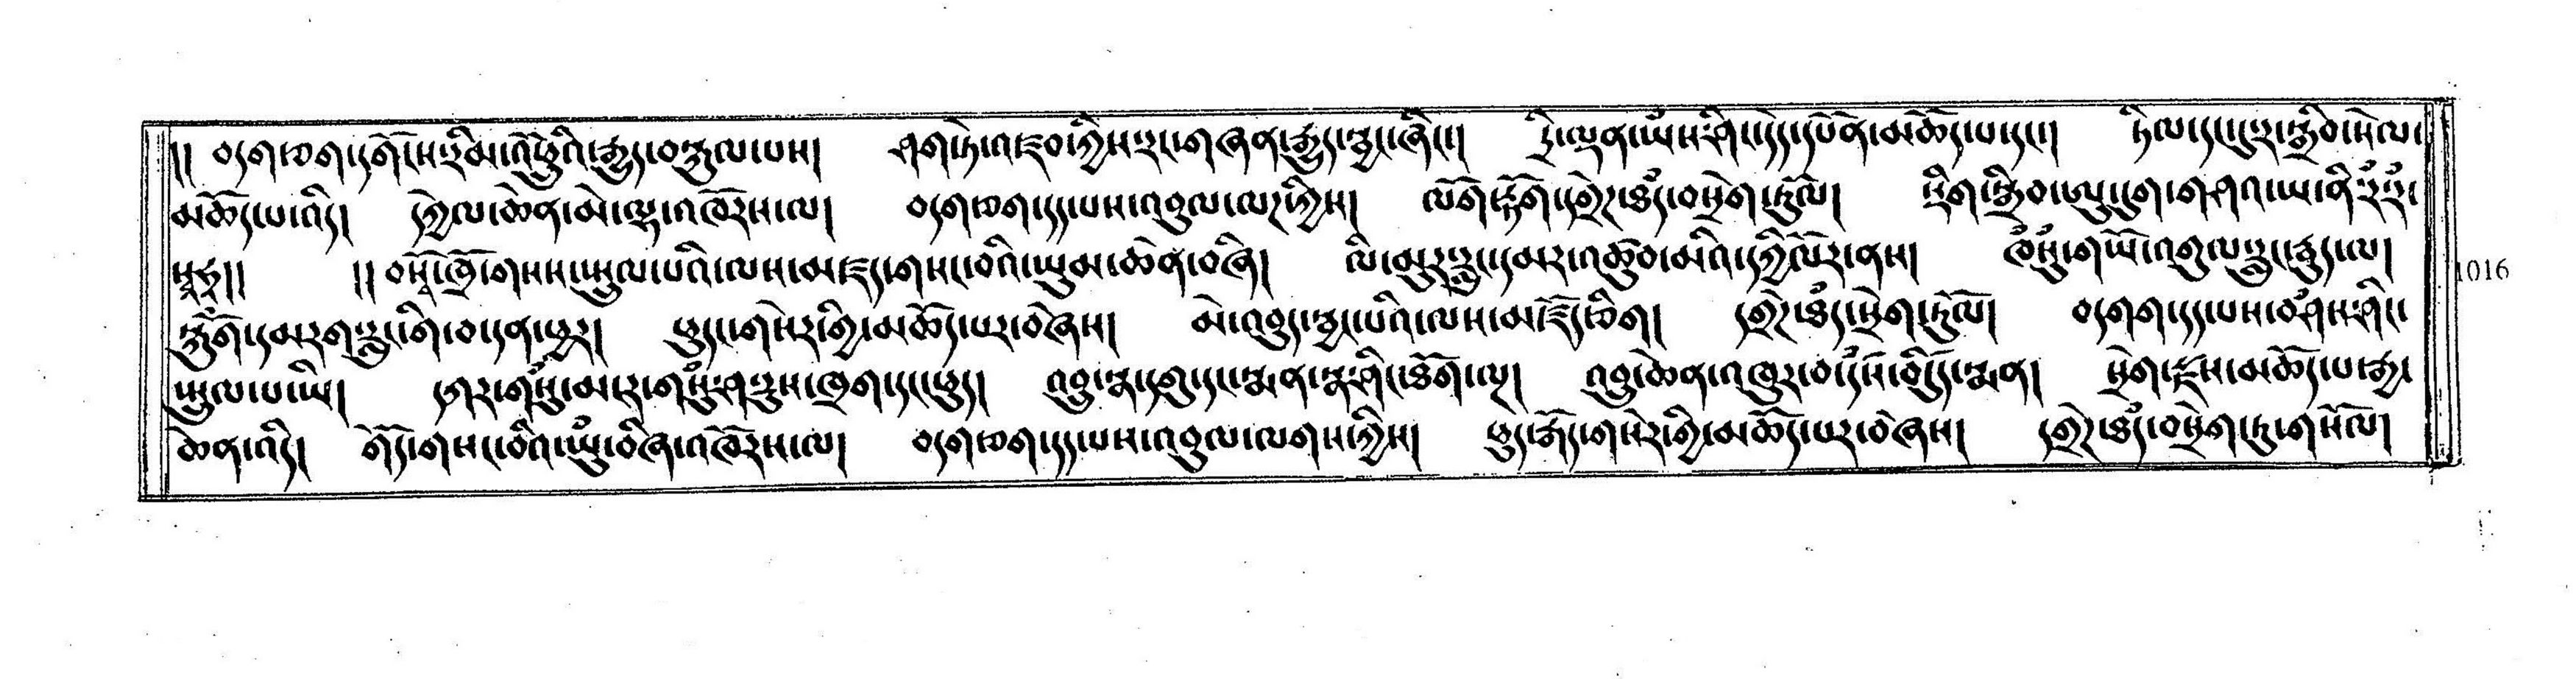བདག་ཅག་དགོངས་རིམ་འཕྲོ་འདུའི་རྒྱུད་བསྐུལ་པས། ཤག་ཏེ་འཛབ་ཀྱིས་རང་གཞན་རྒྱུད་སྦྱང་ཞིང་། དྲི་ལྡན་ཡམས་ཤིང་དེད་དཔོན་མཆོད་པ་དང་། ཏིལ་དང་དུ་ར་སྒྲིབ་སེལ་
མཆོད་པ་འདི། དཀྱེལ་ཆེན་མེ་ལྷ་འཁོར་བཅས་ལ། བདག་ཅག་དད་པས་འབུལ་ལགས་ཀྱིས། ལོག་རྟོག་དགྲ་བགེགས་ཐམས་ཅད་བསྲེག་ཏུ་གསོལ། སྡིག་སྒྲིབ་ཨུ་དུག་གཤའ་ཡ་ནི་རཾ་རཾ་
སྭཱཧཱ།། །།བསྭོ་ཁྲོ་གསས་སྤྲུལ་པའི་ལས་མཛད་གསང་བའི་ཡུམ་ཆེན་བཞི། ལི་མུར་རླུང་དམར་འཚུབ་མའི་དཀྱིལ་འཁོར་ནས། ཁམས་གསུམ་གཡོ་འགུལ་རླུང་རྦུད་ལ། 
སྐུ་མདོག་དམར་ནག་རླུང་གི་བ་དན་ཕྱར། ཕུད་དང་གསེར་གྱི་མཆོད་པར་བཞེས། མེ་འབུད་སྦྱང་པའི་ལས་མཛོད་ཅིག དགྲ་བགེགས་ཐམས་ཅད་སྲེག་ཏུ་གསོལ། བདག་ཅག་དད་པས་བཤམས་ཤིང་
སྤྲུལ་པ་ཡི། དཀར་གསུམ་མངར་གསུམ་ཤ་རུས་ཁྲག་དང་ཕུད། འབྲུ་སྣ་དགུ་དང་སྨན་སྣ་ཤིང་ཐོག་ལྔ། འབྲུ་ཆེན་འཁུར་བ་དམ་རྫས་བདུད་རྩི་སྨན། སྲེག་རྫས་མཆོད་པ་རྒྱ་
ཆེན་འདི། གེ་ཁོད་གསང་བའི་ཡུམ་བཞི་འཁོར་བཅས་ལ། བདག་ཅག་དད་པས་འབུལ་ལགས་ཀྱིས། ཕུད་རྒོད་གསེར་གྱི་མཆོད་པར་བཞེས། དགྲ་བགེགས་ཐམས་ཅད་བསྲེག་ཏུ་གསོལ།